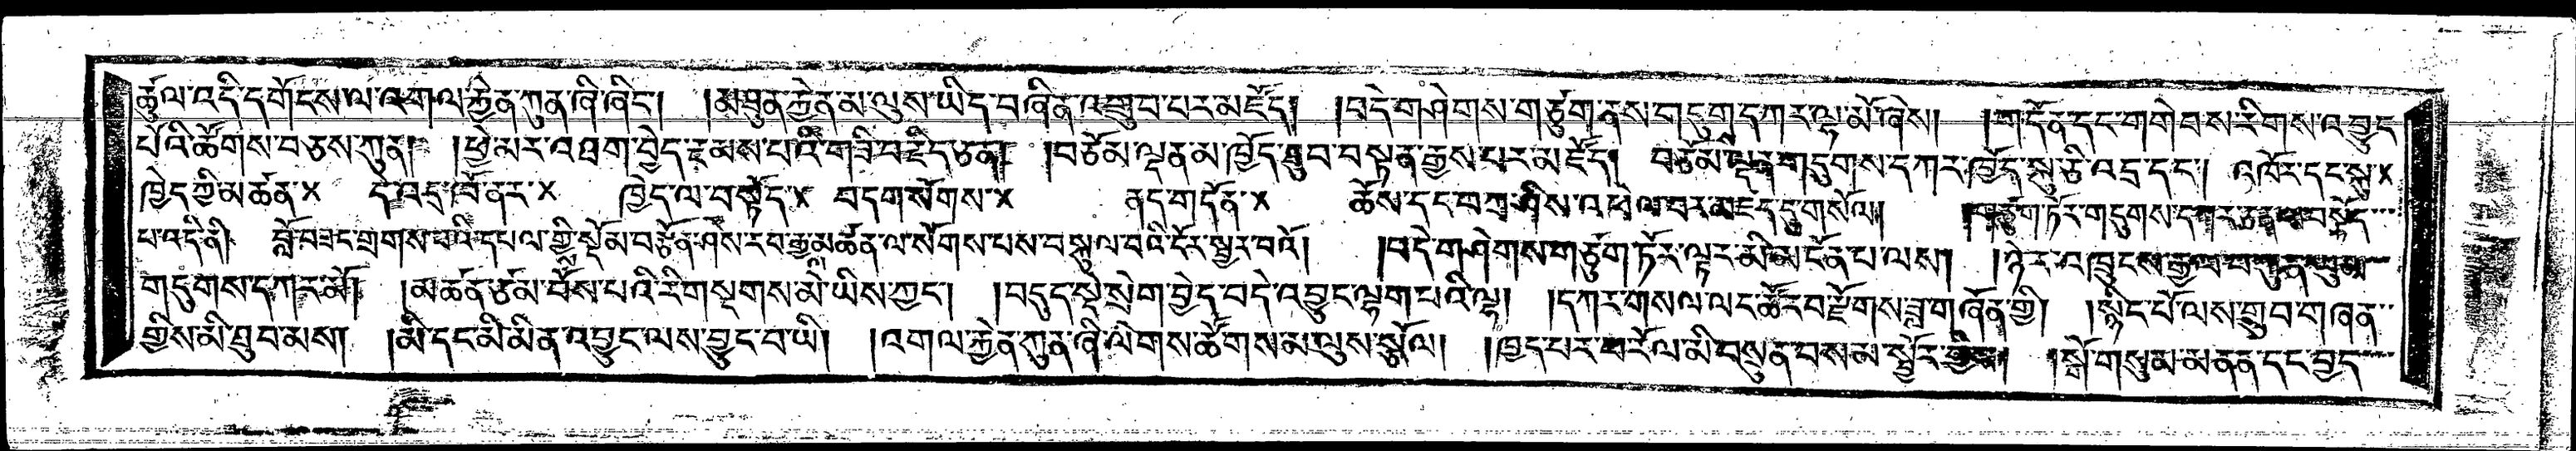ཚུལ་འདི་དགོངས་ལ་འགལ་རྐྱེན་ཀུན་ཞི་ཞིང་། །མཐུན་རྐྱེན་མ་ལུས་ཡིད་བཞིན་འགྲུབ་པར་མཛོད། །བདེ་གཤེགས་གཙུག་ནས་གདུགས་དཀར་ལྷ་མོ་ཞེས། །གདོན་དང་གྒེབས་རིགས་འབྱུང་
པོའི་ཚོགས་བཅས་ཀུན། །ཕྱེ་མར་འཐག་བྱེད་རྔམས་པའི་གཟི་བརྗིད་ཅན། །བཅོམ་ལྡན་མ་ཁྱོད་ཐུབ་བསྟན་རྒྱས་པར་མཛོད། བཅོམ་ལྡན་གདུགས་དཀར་ཁྱོད་སྐུ་ཅི་འདྲ་དང་། །འཁོར་དང་སྐུ་{྾}
ཁྱེད་ཀྱི་མཚན་{྾}་དེ་འདྲ་ཁོ་ནར་{྾}་ཁྱེད་ལ་བསྟོད་{྾}་བདག་སོགས་{྾}་ནད་གདོན་{྾}་ཆོས་དང་བཀྲ་ཤིས་འཕེལ་བར་མཛད་དུ་གསོལ། །གཙུག་ཏོར་གདུགས་དཀར་ཅན་ལ་བསྟོད་
པ་འདི་ནི། བློ་བཟང་གྲགས་པའི་དཔལ་གྱིས་སྡོམ་བརྩོན་ཤེས་རབ་རྒྱལ་མཚན་ལ་སོགས་པས་བསྐུལ་བའི་ངོར་སྦྱར་བའོ། །བདེ་གཤེགས་གཙུག་ཏོར་ལྟར་མི་མངོན་པ་ལས། །ཉེར་འཁྲུངས་རྒྱལ་བ་ཀུན་ཡུམ་
གདུགས་དཀར་མོ། །མཚན་ཙམ་པོས་པའི་རིག་སྔགས་མེ་ཡིས་ཀྱང་། །བདུད་སྡེ་སྲེག་བྱེད་བདེ་འབྱུང་ལྷག་པའི་ལྷ། །དཀར་གསལ་ལང་ཚོར་བ་རྫོགས་ཟླ་གཞོན་གྱིས། །སྙིང་པོ་ལས་གྲུབ་གཞན་
གྱིས་མི་ཐུབ་མས། །མི་དང་མི་མིན་འབྱུང་ལས་བྱུང་བ་ཡི། །འགལ་རྐྱེན་ཀུན་ཞི་ལེགས་ཚོགས་མ་ལུས་སྩོལ། །ཁྱད་པར་ཕ་རོལ་མི་བསྲུན་བསམ་སྦྱོར་གྱིས། །སྒོ་གསུམ་མནན་དང་བྱད་